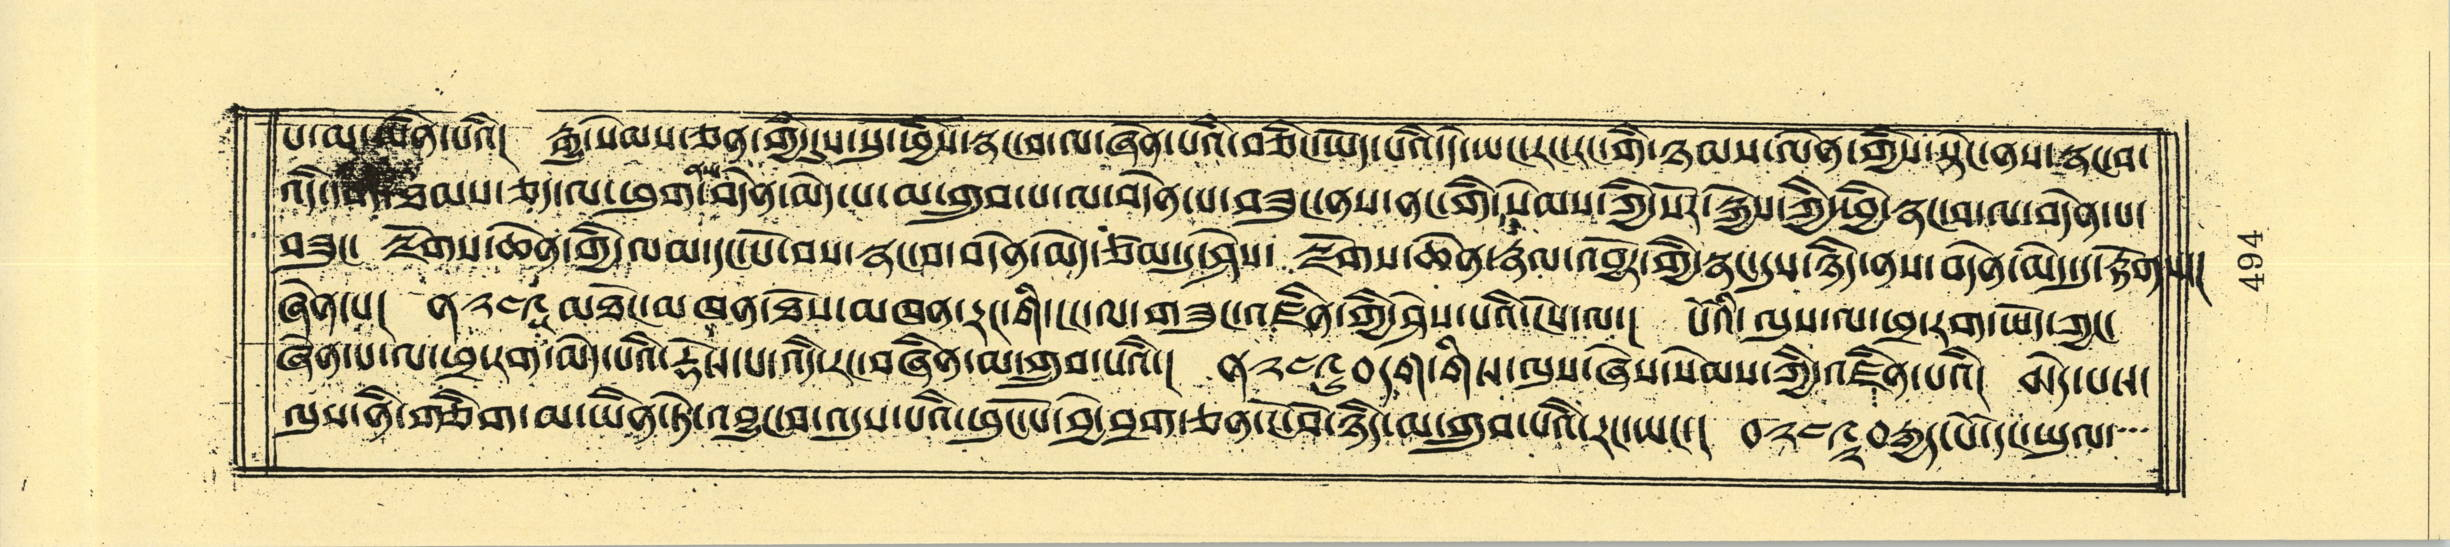པ་མ་ཡིན་པའི་རྒྱུ་སེམས་ཅན་གྱི་དུས་སུ་ཕྱིས་སྣང་བ་ལ་ཞེན་པའི་བཅིང་ཡོད་པའི་དེ་ཡང་རང་རང་གི་ཉམས་ལེན་གྱི་སྟེང་ནས་སྣང་བ་
འདི་དག་ཐམས་ཅད་ལ་ཕུག་ནས་བདེན་པར་མ་གྲུབ་པ་ལ་བདེན་པ་བཟུང་ནས་ནང་གི་སེམས་ཀྱི་སོ་སྐྱེས་ཀྱི་ཕྱི་སྣང་བ་ལ་བདེན་པ་
བཟུང་། རྫོགས་ཆེན་གྱི་ལས་དང་པོ་བས་སྣང་བ་བདེན་མེད་ཙམ་དུ་ཤེས་རྫོགས་ཆེན་རྣལ་འབྱོར་གྱི་སྣང་དུས་ཉིད་ནས་བདེན་མེད་དུ་རྟོགས་
༼ཞེན་པ༽ན༢༤༩།༥མཐོང་མཁན་ཐོས་མཁན་༼རང་གི་ངང་ལ་༽གཟུང་འཛིན་གྱི་ཤེས་པའི་ངོས་ལ་༼པོའི༽ལུས་ལ་ཕྲ་རགས་ཡོད་ཀྱང་
ཞེན་པ་ལ་ཕྲ་རགས་མེད་པའི་༼རྡོས་༽པ་འདི་རང་བཞིན་མ་གྲུབ་པའི་ན༢༤༩།༦༼བདག་གིས༽ལུས་ཞེས་སེམས་ཀྱིས་འཛིན་པའི་༼མེད་པས་
༽ལུས་ནི་གཅིག་མ་ཡིན་ཏེ་འབྱུང་བ་འདུས་པའི་ཕུང་པོ་བྱེ་བྲག་ཅན་ངོ་བོ་ཉིད་མ་གྲུབ་པའི་༼རང་ཡང་༽བ༢༤༩།༢༼བརྒྱད་པོ༽དང་ཡུལ་